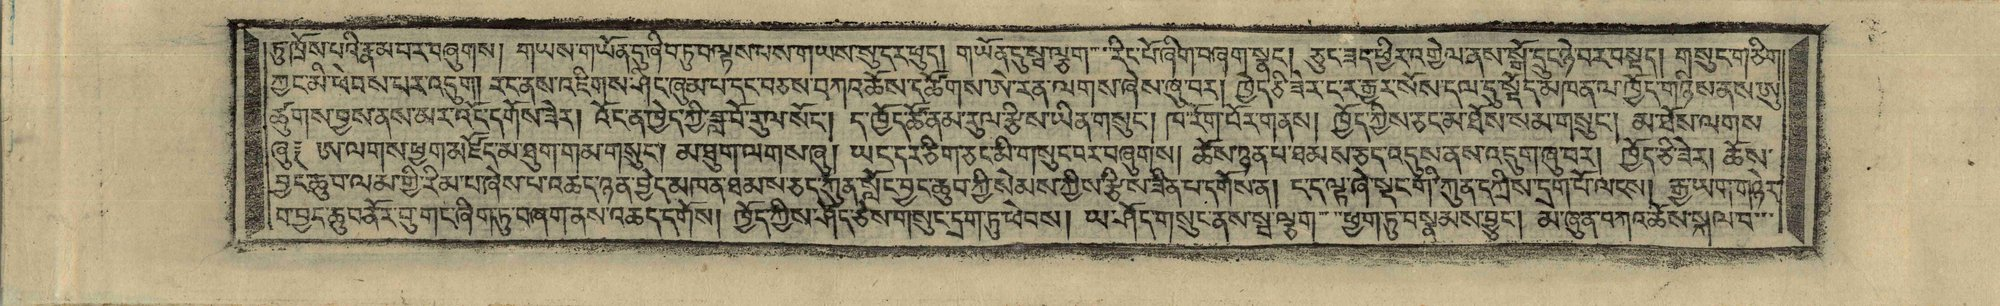ཏུ་ཁྲོས་པའི་རྣམ་པར་བཞུགས། གཡས་གཡོན་དུ་ཞིབ་ཏུ་བལྟས་པས་གཡས་སུ་དར་ཕུད། གཡོན་དུ་སྦ་ལྕག་རིང་པོ་ཞིག་བཞག་སྣང་། ཅུང་ཟད་ཕྱིར་འགྱེལ་ནས་སྒོ་དྲུང་ཉེ་བར་བསྡད། གསུང་གཅིག་
ཀྱང་མི་ཕེབས་པར་འདུག །རང་ནས་འཇིགས་ཤིང་ཞུམ་པ་དང་བཅས་བཀའ་ཆོས་ང་ཚོགས་ཨེ་རན་ལགས་ཞེས་ཞུ་བར། ཁྱེད་ཅི་ཟེར་ང་ར་རྒྱར་སོས་དལ་དུ་སྡོད་མཁན་ལ་ཁྱོད་གཉིས་ནས་ཨུ་
ཚུགས་བྱས་ནས་མར་འོང་དགོས་ཟེར། འོང་ན་ཁྱེད་ཀྱི་ཟླ་བོ་རུལ་སོང་། ད་ཁྱོད་ཚོ་ནམ་རུལ་རྩིས་ཡིན་གསུང་། ཁ་རོག་པོར་གནས། ཁྱོད་ཀྱིས་ཅང་མ་ཐོས་སམ་གསུང་། མ་ཐོས་ལགས་
ཞུ༑ ཨ་ལགས་ཕྱག་མཛོད་མ་ཐུག་གམ་གསུང་། མ་ཐུག་ལགས་ཞུ། ཡང་དར་ཅིག་ཅང་མི་གསུང་བར་བཞུགས། ཆོས་ཉན་པ་ཐམས་ཅད་འདུས་ནས་འདུག་ཞུ་བར། ཁྱོད་ཅི་ཟེར། ཆོས་
བྱང་ཆུབ་ལམ་གྱི་རིམ་པ་ཞེས་པ་འཆད་ཉན་བྱེད་མཁན་ཐམས་ཅད་ཀུན་སློང་བྱང་ཆུབ་ཀྱི་སེམས་ཀྱིས་རྩིས་ཟིན་པ་དགོས་ན། ང་ད་ལྟ་ཞེ་སྡང་གི་ཀུན་དཀྲིས་དྲག་པོ་ལངས། རྒྱ་ཡག་གཉེར་
བ་བྱང་ཆུབ་ནོར་བུ་གང་ཞིག་ཏུ་བཞག་ནས་འཆད་དགོས། ཁྱོད་ཀྱིས་ཤོད་ཅེས་གསུང་དྲག་ཏུ་ཕེབས། ཡ་ཤོད་གསུང་ནས་སྦ་ལྕག་ཕྱག་ཏུ་བསྣམས་བྱུང་། མ་ཞུ་ན་བཀའ་ཆོས་སྐལ་བ་